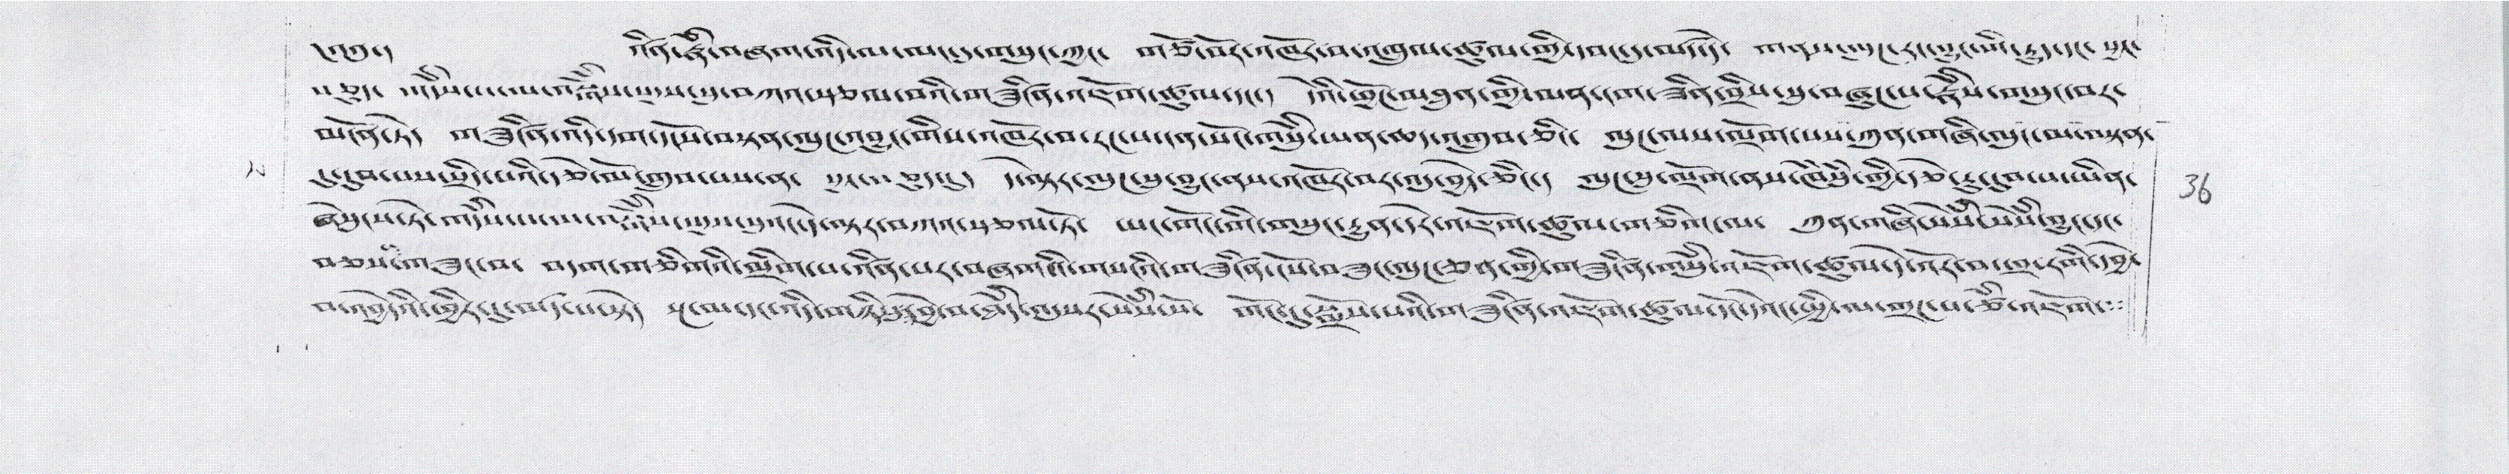འཛིན་རྣམ་གཞག་འདི་ལ་མང་དུ་གསུངས་ཀྱང་། གཙོ་བོར་འཁོར་བ་འཁྲུལ་ཚུལ་གྱི་དབང་དུ་མཛད་དེ། གནས་ལུགས་རང་འབྱུང་གི་རྒྱུད་དང་། གསང་
བཅུད་གདམས་པ་མ་བསྒོམས་སངས་རྒྱས་སུ་བཀའ་སྩལ་པའི་གཟུང་འཛིན་འཇོག་ཚུལ་དང་། དེའི་ཕྱོགས་མཐུན་གྱི་མན་ངག་ཟིན་བྲིས་སུ་བཞུགས་པ་རྣམས་གསུངས་པར་
མངོན་ཏེ། གཟུང་འཛིན་འདི་དག་དངོས་བསྟན་ལུགས་འབྱུང་གིས་འཁོར་བ་རགས་པ་ངན་སོང་གསུམ་ཡན་ཆད་འགྲུབ་ཅིང་། ལུགས་ལས་ལྡོག་པས་ཀུན་གཞི་ལུང་མ་བསྟན་
དུ་དུབ་པས་སྲིད་པའི་རྩེ་མོ་གྲུབ་པས་ན། གསང་བཅུད་དུ། དེ་ལྟར་ལུགས་སུ་བྱུང་ནས་འཁོར་བར་འདུ་བྱེད་ཅིང་། ལུགས་སུ་ལྡོག་ནས་ཁམས་གསུམ་གྱི་རྩེ་རུ་དུབ་པ་ཡིན་
ཞེས་གསུངས་ཏེ་གདམས་པ་མ་བསྒོམས་སངས་རྒྱས་སུའང་དེ་ལྟར་བཀའ་སྩལ་ཏོ། ཡང་གོང་གི་གསུང་རྒྱུན་དེར་འཇོག་ཚུལ་གཅིག་ལ། ཀུན་གཞི་སེམས་སེམས་སེམས་བྱུང་དང་
བཅས་པ་གཟུང་བ། བདག་གཅིག་གི་མ་རིག་པ་འཛིན་པར་བཞག་པའི་གསང་བའི་གཟུང་འཛིན་ངོས་བཟུང་ལུགས་ཅན་གྱི་གཟུང་འཛིན་གསུམ་འཇོག་ཚུལ་དེ་འཁོར་བ་ཕྲ་རགས་ཀྱི་དབྱེ་
བ་འབྱེད་པའི་ཕྱིར་དུ་མཛད་པ་སྟེ། སྔ་མ་དང་འདི་གཉིས་སུ་དབྱེ་བ་ཐམས་ཅད་འདུས་པར་སེམས་སོ། གོང་དུ་སྨྲོས་པའི་གཟུང་འཛིན་འཇོག་ཚུལ་དང་པོ་དེའང་སྤྱི་ལ་གྲགས་པ་ཙམ་འཇོག་